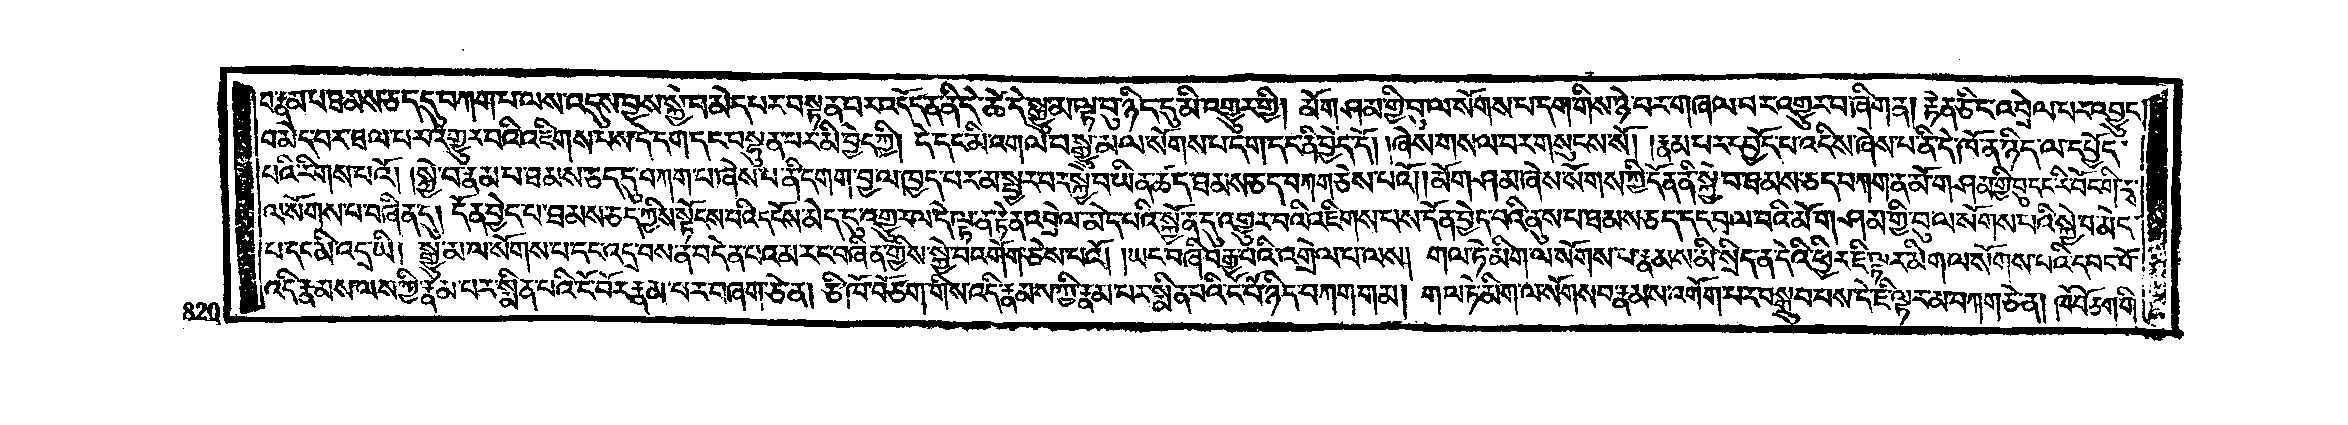བ་རྣམ་པ་ཐམས་ཅད་དུ་བཀག་པ་ལས་འདུས་བྱས་སྐྱེ་བ་མེད་པར་བསྟན་པར་འདོད་ན་ནི་དེའི་ཚེ་དེ་སྒྱུ་མ་ལྟ་བུ་ཉིད་དུ་མི་འགྱུར་གྱི། མོ་གཤམ་གྱི་བུ་ལ་སོགས་པ་དག་གིས་ཉེ་བར་གཞལ་བར་འགྱུར་བ་ཞིག་ན། རྟེན་ཅིང་འབྲེལ་པར་འབྱུང་
བ་མེད་པར་ཐལ་བར་འགྱུར་བའི་འཇིགས་པས་དེ་དག་དང་བསྟུན་པར་མི་བྱེད་ཀྱི། དེ་དང་མི་འགལ་བ་སྒྱུ་མ་ལ་སོགས་པ་དག་དང་ནི་བྱེད་དོ། །ཞེས་གསལ་བར་གསུངས་སོ། །རྣམ་པར་དཔྱོད་པ་འདིས་ཞེས་པ་ནི་དེ་ཁོ་ན་ཉིད་ལ་དཔྱོད་
པའི་རིགས་པའོ། །སྐྱེ་བ་རྣམ་པ་ཐམས་ཅད་དུ་བཀག་པ་ཞེས་པ་ནི་དགའ་བྱ་ལ་ཁྱད་པར་མ་སྦྱར་བར་སྐྱེ་བ་ཡིན་ཚད་ཐམས་ཅད་བཀག་ཅེས་པའོ། །མོ་གཤམ་ཞེས་སོགས་ཀྱི་དོན་ནི་སྐྱེ་བ་ཐམས་ཅད་བཀག་ན་མོ་གཤམ་གྱི་བུ་དང་རི་བོང་གི་རྭ་
ལ་སོགས་པ་བཞིན་དུ། དོན་བྱེད་པ་ཐམས་ཅད་ཀྱིས་སྟོངས་པའི་དངོས་མེད་དུ་འགྱུར་ལ་དེ་ལྟ་ན་རྟེན་འབྲེལ་མེད་པའི་སྐྱོན་དུ་འགྱུར་བའི་འཇིགས་པས་དོན་བྱེད་པའི་ནུས་པ་ཐམས་ཅད་དང་བྲལ་བའི་མོ་གཤམ་གྱི་བུ་ལ་སོགས་པའི་སྐྱེ་བ་མེད་
པ་དང་མི་འདྲ་ཡི། སྒྱུ་མ་ལ་སོགས་པ་དང་འདྲ་བས་ན་བདེན་པའམ་རང་བཞིན་གྱིས་སྐྱེ་བ་འགོག་ཅེས་པའོ། །ཡང་བཞི་བརྒྱ་པའི་འགྲེལ་པ་ལས། གལ་ཏེ་མིག་ལ་སོགས་པ་རྣམས་མི་སྲིད་ན་དེའི་ཕྱིར་ཇི་ལྟར་མིག་ལ་སོགས་པའི་དབང་པོ་
འདི་རྣམས་ལས་ཀྱི་རྣམ་པར་སྨིན་པའི་ངོ་བོར་རྣམ་པར་བཞག་ཅེ་ན། ཅི་ཁོ་བོ་ཅག་གིས་འདི་རྣམས་ཀྱི་རྣམ་པར་སྨིན་པའི་ངོ་བོ་ཉིད་བཀག་གམ། གལ་ཏེ་མིག་ལ་སོགས་པ་རྣམས་འགོག་པར་བསྒྲུབ་པས་དེ་ཇི་ལྟར་མ་བཀག་ཅེ་ན། ཁོ་བོ་ཅག་གི་